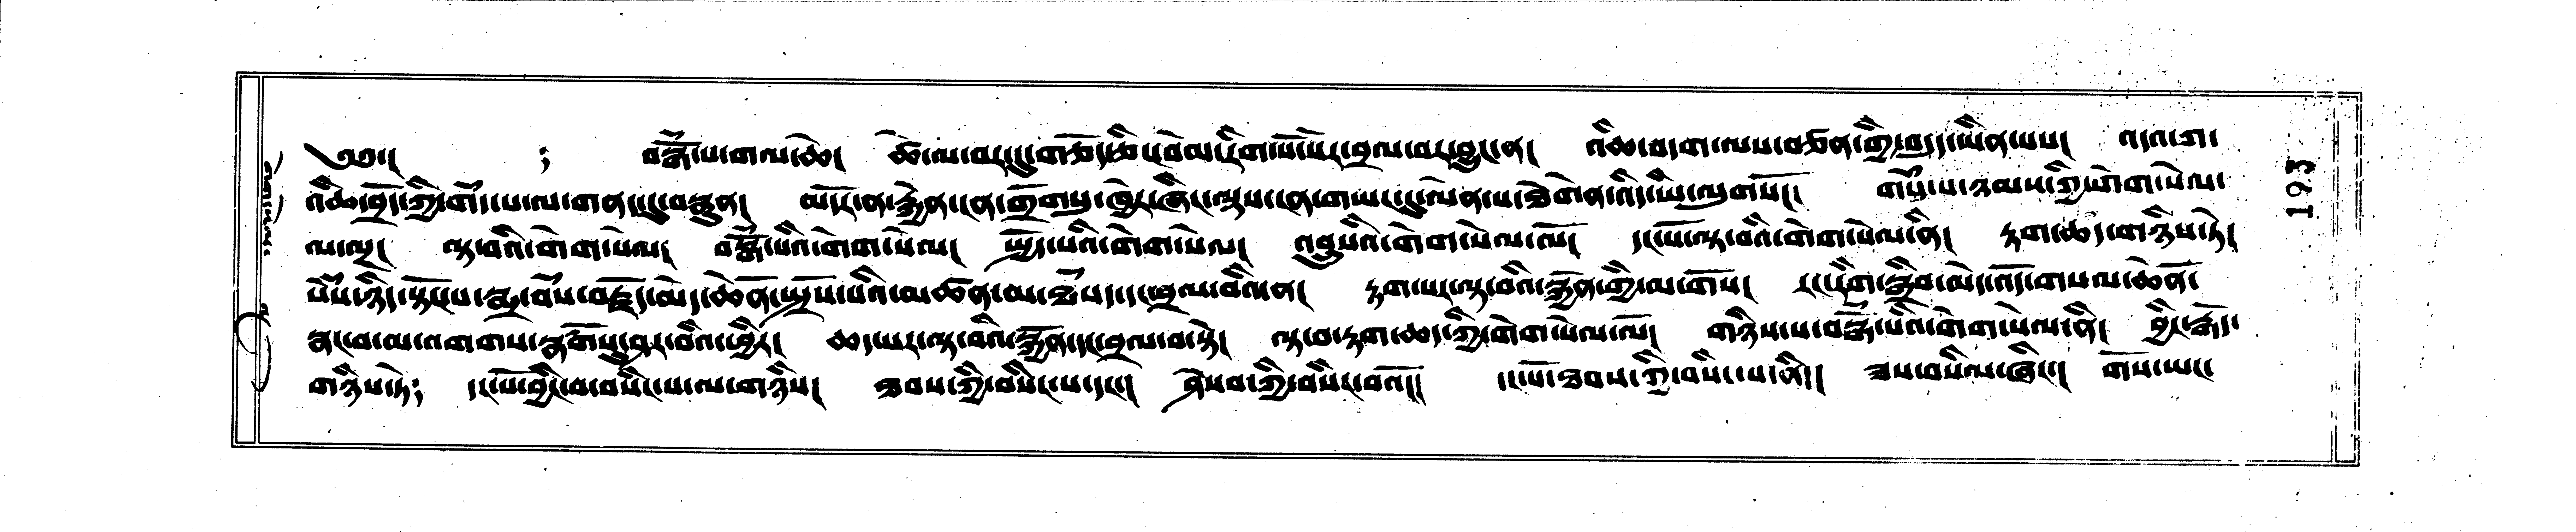བསྒོམ་པ་གལ་ཆེ། ཚེ་ལ་བར་དུ་གཅོད་ཅིང་བེམ་རིག་སོ་སོར་བྲལ་བ་བྱུང་ན། འཆི་བདག་ལས་བཙན་གྱི་བདུད་ཡིན་པས། འདའ་དགའ་
འཆི་བྲོད་ཀྱི་གདམས་པ་ལ་གནད་དུ་བསྣུན། མདོར་ན་རྐྱེན་ངན་གྲོགས་སུ་འཁྱེར་ཞིང་ལྟས་ངན་གཡང་དུ་ལེན་པ་ཐེག་ཆེན་འདི་ཡི་ལུགས་སོ། །གསུམ་པ་ཉམས་ཀྱི་གེག་སེལ་
ལ་ལྔ། ལྟ་བའི་གེག་སེལ་སྒོམ་པའི་གེག་སེལ་སྤྱོད་པའི་གེག་སེལ་འབྲས་བུའི་གེག་སེལ་ལོ། དང་པོ་ལྟ་བའི་གེག་སེལ་ནི། རྟག་ཆད་གཉིས་ཏེ། 
སེམས་ཉིད་སྟོང་པ་སྨྲ་བསམ་བརྗོད་མེད་ཆེན་པོ་སྤྲོས་པའི་མཚན་མ་དང་བྲལ་བས་ན། རྟག་པར་ལྟ་བའི་སྐྱོན་གྱིས་མ་གོས། རང་རིག་སྒྲིབ་མེད་འོད་གསལ་ཆེན་པོ། 
སྣང་བ་མ་འགག་སྣ་ཚོགས་ཤར་བའི་ཕྱིར། ཆད་པར་ལྟ་བའི་སྐྱོན་དང་བྲལ་བ་སྟེ། ལྟ་བ་རྟག་ཆད་ཀྱི་གེག་སེལ་ལོ། །གཉིས་པ་སྒོམ་པའི་གེག་སེལ་ནི། བྱིང་རྒོད་
གཉིས་ཏེ། དང་པོ་བྱིང་བ་བསིང་བ་ལ་གཉིས། ཐབས་ཀྱི་བསིང་བ་དང་། ཤེས་རབ་ཀྱི་བསིང་བའོ། །དང་པོ་ཐབས་ཀྱི་བསིང་བ་ནི། ཟས་བསིལ་ཞིང་། གོས་ཡང་